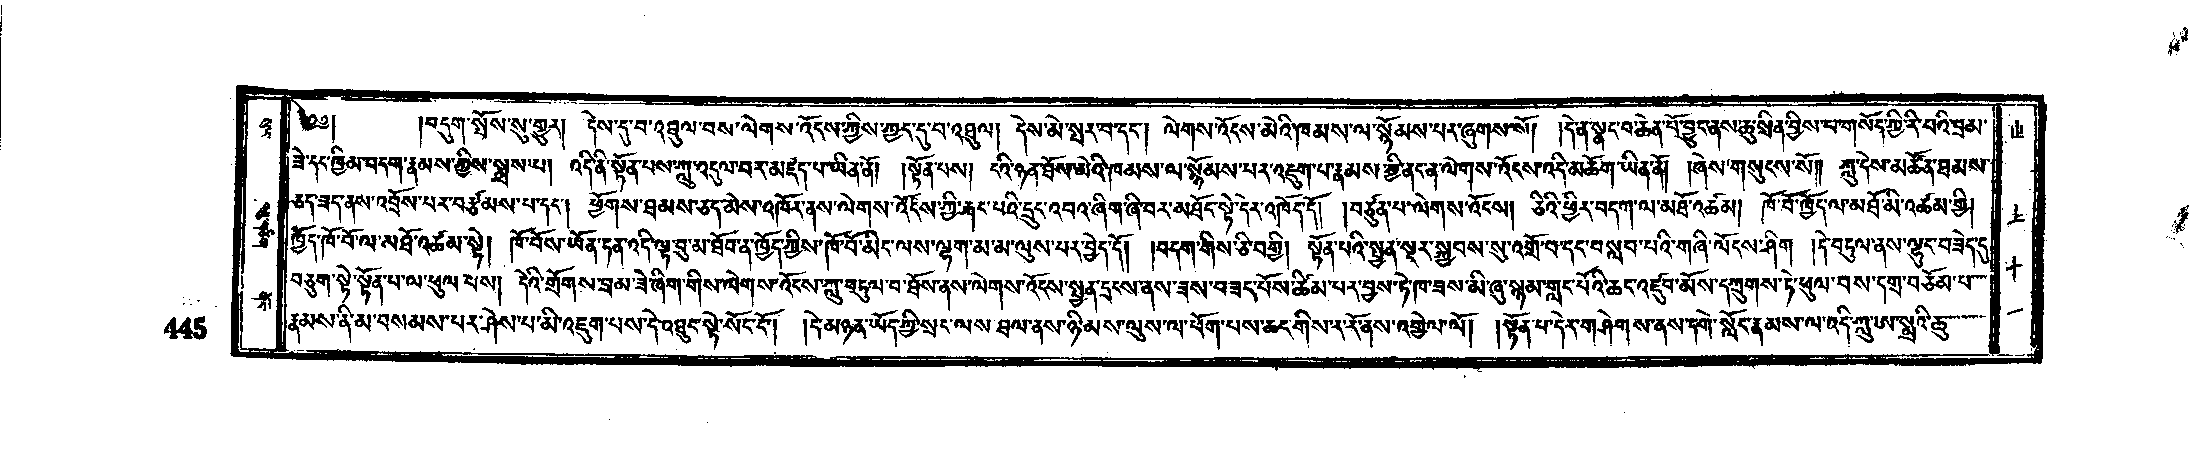༄༅། །བདུག་སྤོས་སུ་གྱུར། དེས་དུ་བ་འཐུལ་བས་ལེགས་འོངས་ཀྱིས་ཀྱང་དུ་བ་འཐུལ། དེས་མེ་སྤར་བ་དང་། ལེགས་འོངས་མེའི་ཁམས་ལ་སྙོམས་པར་ཞུགས་སོ། །དེ་ན་སྣང་བ་ཆེན་པོ་བྱུང་ནས་ཆུ་སྲིན་བྱིས་པ་གསོད་ཀྱི་རི་པའི་བྲམ་
ཟེ་དང་ཁྱིམ་བདག་རྣམས་ཀྱིས་སྨྲས་པ། འདི་ནི་སྟོན་པས་ཀླུ་འདུལ་བར་མཛད་པ་ཡིན་ནོ། །སྟོན་པས། ངའི་ཉན་ཐོས་མེའི་ཁམས་ལ་སྙོམས་པར་འཇུག་པ་རྣམས་ཀྱི་ནང་ན་ལེགས་འོངས་འདི་མཆོག་ཡིན་ནོ། །ཞེས་གསུངས་སོ།། ཀླུ་དེས་མཚོན་ཐམས་
ཅད་ཟད་ནས་འབྲོས་པར་བརྩམས་པ་དང་། ཕྱོགས་ཐམས་ཅད་མེས་འཁོར་ནས་ལེགས་འོངས་ཀྱི་རྐང་པའི་དྲུང་འབའ་ཞིག་ཞི་བར་མཐོང་སྟེ་དེར་འཁོད་དོ། །བཙུན་པ་ལེགས་འོངས། ཅིའི་ཕྱིར་བདག་ལ་མཐོ་འཚམ། ཁོ་བོ་ཁྱོད་ལ་མཐོ་མི་འཚམ་གྱི།
ཁྱོད་ཁོ་བོ་ལ་མཐོ་འཚམ་སྟེ། ཁོ་བོས་ཡོན་ཏན་འདི་ལྟ་བུ་མ་ཐོབ་ན་ཁྱོད་ཀྱིས་ཁོ་བོ་མིང་ལས་ལྷག་མ་མ་ལུས་པར་བྱེད་དོ། །བདག་གིས་ཅི་བགྱི། སྟོན་པའི་སྤྱན་སྔར་སྐྱབས་སུ་འགྲོ་བ་དང་བསླབ་པའི་གཞི་ལོངས་ཤིག །དེ་བཏུལ་ནས་ལྷུང་བཟེད་དུ་
བཅུག་སྟེ་སྟོན་པ་ལ་ཕུལ་པས། དེའི་གྲོགས་བྲམ་ཟེ་ཞིག་གིས་ལེགས་འོངས་ཀླུ་བཏུལ་བ་ཐོས་ནས་ལེགས་འོངས་སྤྱན་དྲངས་ནས་ཟས་བཟང་པོས་ཚིམ་པར་བྱས་ཏེ་ཁ་ཟས་མི་ཞུ་སྙམ་གླང་པོའི་ཆང་འཛུབ་མོས་དཀྲུགས་ཏེ་ཕུལ་བས་དགྲ་བཅོམ་པ་
རྣམས་ནི་མ་བསམས་པར་ཤེས་པ་མི་འཇུག་པས་དེ་འཐུང་སྟེ་སོང་ངོ?། །དེ་མཉན་ཡོད་ཀྱི་སྲང་ལས་ཐལ་ནས་ཉི་མས་ལུས་ལ་ཕོག་པས་ཆང་གིས་ར་རོ་ནས་འགྱེལ་ལོ། །སྟོན་པ་དེར་གཤེགས་ནས་དགེ་སློང་རྣམས་ལ་འདི་ཀླུ་ཨ་སྨྲའི་ཆུ་